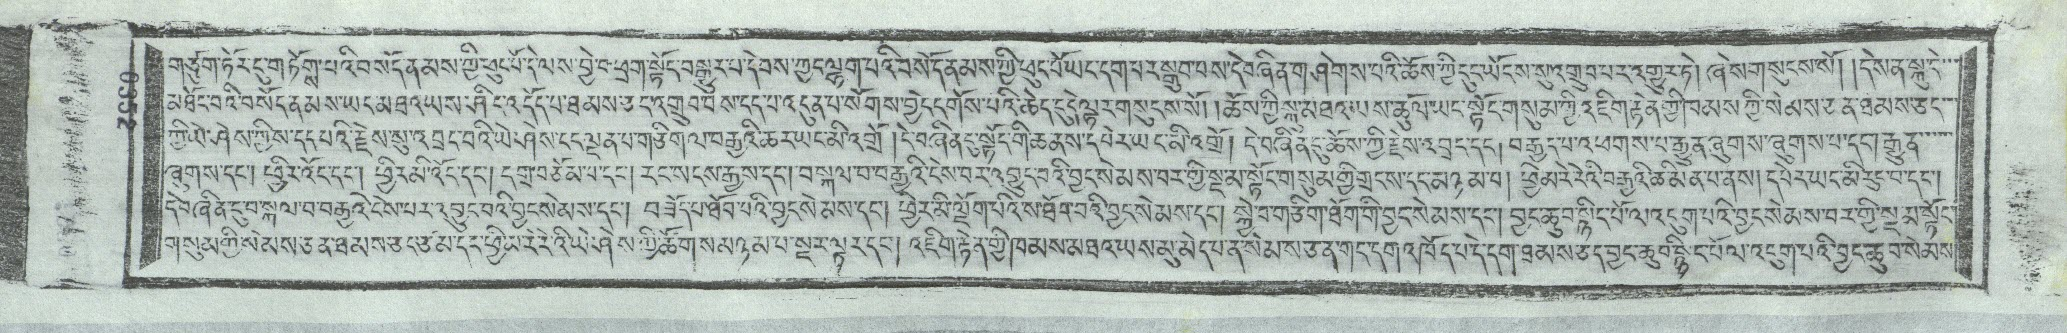གཙུག་ཏོར་དུ་གཏོགས་པའི་བསོད་ནམས་ཀྱི་ཕུང་པོ་དེ་ལས་བྱེ་བ་ཕྲག་སྟོང་བསྒྱུར་པ་དེ་བས་ཀྱང་ལྷག་པའི་བསོད་ནམས་ཀྱི་ཕུང་པོ་ཡང་དག་པར་སྒྲུབ་པས་དེ་བཞིན་གཤེགས་པའི་ཆོས་ཀྱི་དུང་ཡོངས་སུ་འགྲུབ་པར་འགྱུར་ཏེ། ཞེས་གསུངས་སོ། །དེས་ན་སྐུ་དེ་
མཐོང་བའི་བསོད་ནམས་ཡང་མཐའ་ཡས་ཤིང་འདོད་པ་ཐམས་ཅད་འགྲུབ་བས་དད་པ་འདུན་པ་སོགས་བྱེད་དགོས་པའི་ཆེད་དུ་དེ་ལྟར་གསུངས་སོ། །ཆོས་ཀྱི་སྐུ་མཐའ་ཡས་ཆུ་ལ་ཡང་སྟོང་གསུམ་གྱི་འཇིག་རྟེན་ཀྱི་ཁམས་ཀྱི་སེམས་ཅན་ཐམས་ཅད་
ཀྱི་ཡེ་ཤེས་ཀྱིས་དད་པའི་རྗེས་སུ་འབྲང་བའི་ཡེ་ཤེས་དང་ལྡན་པ་གཅིག་ལ་བརྒྱའི་ཆར་ཡང་མི་འགྲོ། །དེ་བཞིན་དུ་སྟོད་གི་ཆ་ནས་དཔེར་ཡང་མི་འགྲོ། དེ་བཞིན་དུ་ཆོས་ཀྱི་རྗེས་འབྲང་དང་། བརྒྱད་པ་འཕགས་པ་རྒྱུན་ཞུགས་ཞུགས་པ་དང་། རྒྱུན་
ཞུགས་དང་། ཕྱིར་འོད་དང་། ཕྱིར་མི་འོད་དང་། དགྲ་བཅོམ་པ་དང་། རང་སངས་རྒྱས་དང་། བསྐལ་བ་བརྒྱའི་ངེས་བར་འབྱུང་བའི་བྱང་སེམས་བར་གྱི་སྔ་མ་སྟོང་གསུམ་གྱི་གྲངས་དང་མཉམ་པ། ཕྱི་མ་རེ་རེའི་བརྒྱའི་ཆི་མན་པ་ནས། དཔེར་ཡང་མི་རུང་བ་དང་།
དེ་བཞིན་དུ་བསྐལ་བ་བརྒྱའི་ངེས་པར་འབྱུང་བའི་བྱང་སེམས་དང་། བཟོད་པ་ཐོབ་པའི་བྱང་སེམས་དང་། ཕྱིར་མི་ལྡོག་པའི་ས་ཐོབ་པའི་བྱང་སེམས་དང་། སྐྱེ་བ་གཅིག་ཐོག་གི་བྱང་སེམས་དང་། བྱང་ཆུབ་སྙིང་པོ་ལ་འདུག་པའི་བྱང་སེམས་བར་གྱི་སྡམ་སྟོང་
གསུམ་གྱི་སེམས་ཅན་ཐམས་ཅད་ཙམ་དང་ཕྱི་མ་རེ་རེའི་ཡེ་ཤེས་ཀྱི་ཚོགས་མཉམ་པ་སྔར་ལྟར་དང་། འཇིག་རྟེན་གྱི་ཁམས་མཐའ་ཡས་མུ་མེད་པ་ན་སེམས་ཅན་གང་དགའ་འཁོད་པ་དེ་དག་ཐམས་ཅད་བྱང་ཆུབ་སྙིང་པོ་ལ་འདུག་པའི་བྱང་ཆུབ་སེམས་